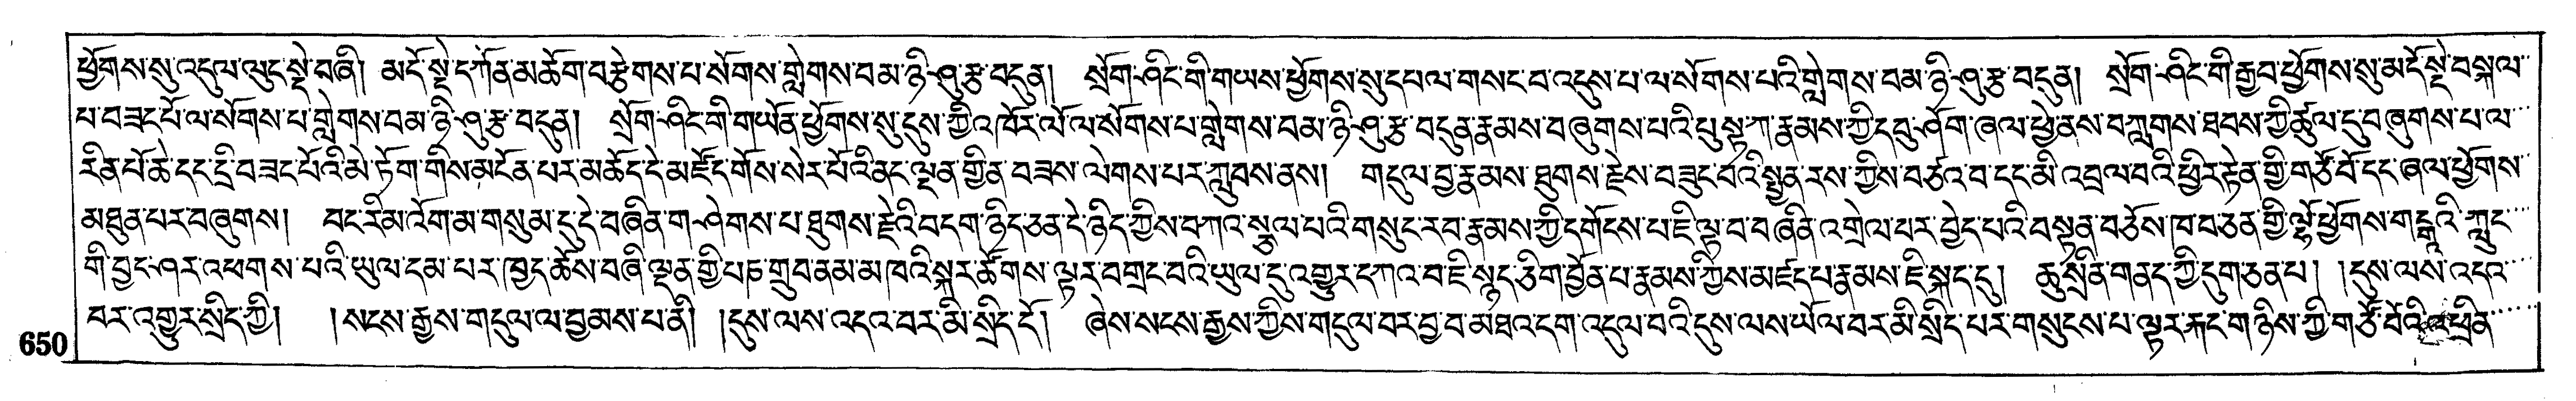ཕྱོགས་སུ་འདུལ་ལུང་སྡེ་བཞི། མདོ་སྡེ་དཀོན་མཆོག་བརྩེགས་པ་སོགས་གླེགས་བམ་ཉི་ཤུ་རྩ་བདུན། སྲོག་ཤིང་གི་གཡས་ཕྱོགས་སུ་དཔལ་གསང་བ་འདུས་པ་ལ་སོགས་པའི་གླེགས་བམ་ཉི་ཤུ་རྩ་བདུན། སྲོག་ཤིང་གི་རྒྱབ་ཕྱོགས་སུ་མདོ་སྡེ་བསྐལ་
པ་བཟང་པོ་ལ་སོགས་པ་གླེགས་བམ་ཉི་ཤུ་རྩ་བདུན། སྲོག་ཤིང་གི་གཡོན་ཕྱོགས་སུ་དུས་ཀྱི་འཁོར་ལོ་ལ་སོགས་པ་གླེགས་བམ་ཉི་ཤུ་རྩ་བདུན་རྣམས་བཞུགས་པའི་པུསྟ་ཀ་རྣམས་ཀྱི་དབུ་ཤོག་ཞལ་ཕྱེ་ནས་བཀླགས་ཐབས་ཀྱི་ཚུལ་དུ་བཞུགས་པ་ལ་
རིན་པོ་ཆེ་དང་དྲི་བཟང་པོའི་མེ་ཏོག་གིས་མངོན་པར་མཆོད་དེ་མཛོད་གོས་སེར་པོའི་ནང་ལྡན་གྱི་ན་བཟས་ལེགས་པར་ཀླུབས་ནས། གདུལ་བྱ་རྣམས་ཐུགས་རྗེས་བཟུང་བའི་སྤྱན་རས་ཀྱིས་བཙའ་བ་དང་མི་འབྲལ་བའི་ཕྱིར་རྟེན་གྱི་གཙོ་བོ་དང་ཞལ་ཕྱོགས་
མཐུན་པར་བཞུགས། བང་རིམ་འོག་མ་གསུམ་དུ་དེ་བཞིན་གཤེགས་པ་ཐུགས་རྗེའི་བདག་ཉིད་ཅན་དེ་ཉིད་ཀྱིས་བཀའ་སྩལ་པའི་གསུང་རབ་རྣམས་ཀྱི་དགོངས་པ་ཇི་ལྟ་བ་བཞིན་འགྲེལ་བར་བྱེད་པའི་བསྟན་བཅོས་ཁ་བ་ཅན་གྱི་ལྷོ་ཕྱོགས་གངྒཱའི་ཀླུང་
གི་བྱང་ཤར་འཕགས་པའི་ཡུལ་དམ་པར་ཁྱད་ཆོས་བཞི་ལྡན་གྱི་པཎ་གྲུབ་ནམ་མཁའི་སྐར་ཚོགས་ལྟར་བགྲང་བའི་ཡུལ་དུ་འགྱུར་དཀའ་བ་ཇི་སྙེད་ཅིག་བྱོན་པ་རྣམས་ཀྱིས་མཛད་པ་རྣམས་ཇི་སྐད་དུ། ཆུ་སྲིན་གནད་ཀྱི་དུག་ཅན་པ། །དུས་ལས་འདའ་
བར་འགྱུར་སྲིད་ཀྱི། །སངས་རྒྱས་གདུལ་ལ་བྱམས་པ་ནི། །དུས་ལས་འདའ་བར་མི་སྲིད་དོ། ཞེས་སངས་རྒྱས་ཀྱིས་གདུལ་བར་བྱ་བ་མཐའ་དག་འདུལ་བའི་དུས་ལས་ཡོལ་བ་རྨི་སྲིད་པར་གསུངས་པ་ལྟར་རྐང་གཉིས་ཀྱི་གཙོ་བོའི་འཕྲིན་